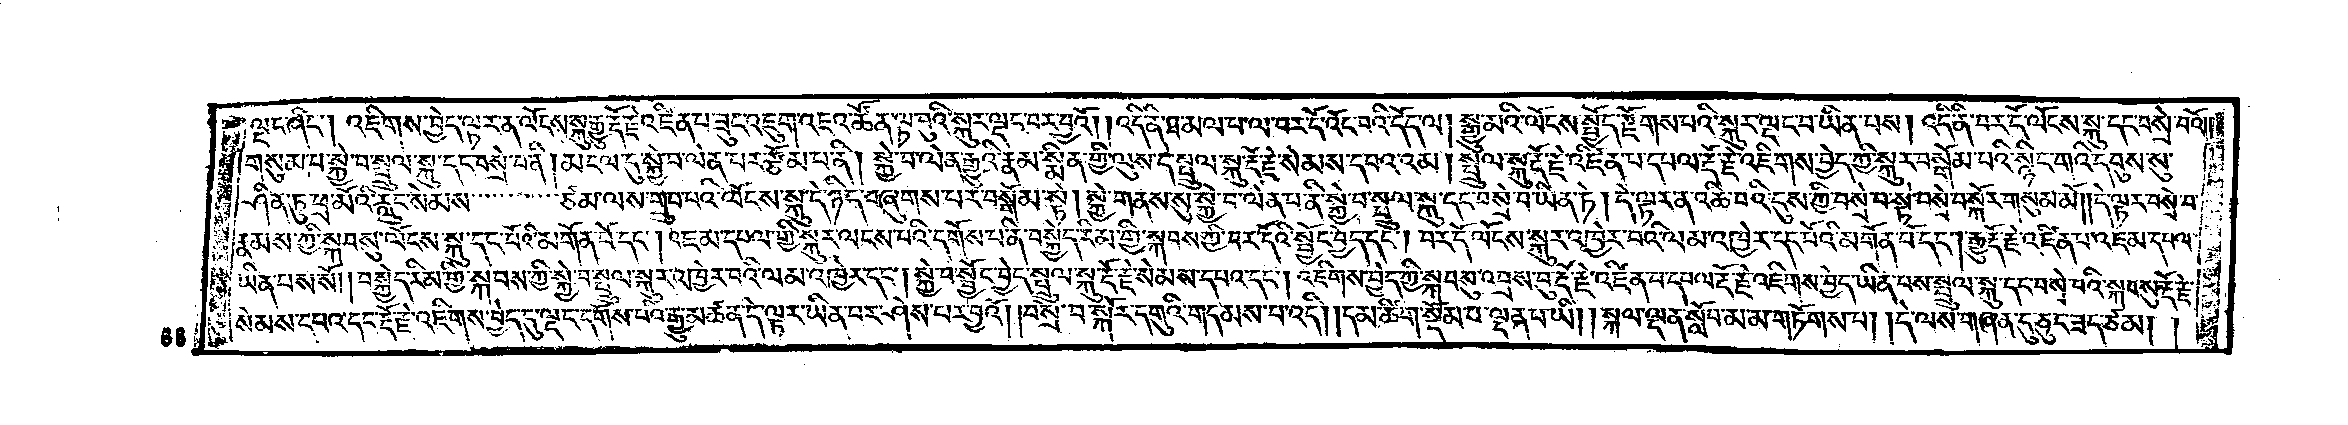ལྡང་ཞིང་། འཇིགས་བྱེད་ལྟར་ན་ལོངས་སྐུ་རྒྱུ་རྡོ་རྗེ་འཛིན་པ་ཟུང་འཇུག་འཇའ་ཚོན་ལྟ་བུའི་སྐུར་ལྡང་བར་བྱའོ། །འདི་ནི་ཐ་མལ་པ་ལ་བར་དོ་འོང་བའི་དོད་ལ། སྒྱུ་མའི་ལོངས་སྤྱོད་རྫོགས་པའི་སྐུར་ལྡང་བ་ཡིན་པས། འདི་ནི་བར་དོ་ལོངས་སྐུ་དང་བསྲེ་བའོ། །
གསུམ་པ་སྐྱེ་བ་སྤྲུལ་སྐུ་དང་བསྲེ་བ་ནི། མངལ་དུ་སྐྱེ་བ་ལེན་པར་རྩོམ་པ་ནི། སྐྱེ་བ་ལེན་རྒྱུའི་རྣམ་སྨིན་གྱི་ལུས་དེ་སྤྲུལ་སྐུ་རྡོ་རྗེ་སེམས་དཔའ་འམ། སྤྲུལ་སྐུ་རྡོ་རྗེ་འཛིན་པ་དཔལ་རྡོ་རྗེ་འཇིགས་བྱེད་ཀྱི་སྐུར་བསྒོམ་པའི་སྙིང་གའི་དབུས་སུ་
ཤིན་ཏུ་ཕྲ་མོའི་རླུང་སེམས་ཙམ་ལས་གྲུབ་པའི་ལོངས་སྐུ་དེ་ཉིད་བཞུགས་པར་བསྒོམ་སྟེ། སྐྱེ་གནས་སུ་སྐྱེ་བ་ལེན་པ་ནི་སྐྱེ་བ་སྤྲུལ་སྐུ་དང་བསྲེ་བ་ཡིན་ཏེ། དེ་ལྟར་ན་འཆི་བའི་དུས་ཀྱི་བསྲེ་བ་སྟེ་བསྲེ་བ་སྐོར་གསུམ་མོ། །དེ་ལྟར་བསྲེ་བ་
རྣམས་ཀྱི་སྐབས་སུ་ལོངས་སྐུ་དང་པོའི་མགོན་པོ་དང་། འཇམ་དཔལ་གྱི་སྐུར་ལངས་པའི་དགོས་པ་ནི་བསྐྱེད་རིམ་གྱི་སྐབས་ཀྱི་བར་དོའི་སྦྱོང་བྱེད་དང་། བར་དོ་ལོངས་སྐུར་འཁྱེར་བའི་ལམ་འཁྱེར་དང་པོའི་མགོན་པོ་དང་། རྒྱུ་རྡོ་རྗེ་འཛིན་པ་འཇམ་དཔལ་
ཡིན་པས་སོ། །བསྐྱེད་རིམ་གྱི་སྐབས་ཀྱི་སྐྱེ་བ་སྤྲུལ་སྐུར་འཁྱེར་བའི་ལམ་འཁྱེར་དང་། སྐྱེ་བ་སྦྱོང་བྱེད་སྤྲུལ་སྐུ་རྡོ་རྗེ་སེམས་དཔའ་དང་། འཇིགས་བྱེད་ཀྱི་སྐབས་སུ་འབྲས་བུ་རྡོ་རྗེ་འཛིན་པ་དཔལ་རྡོ་རྗེ་འཇིགས་བྱེད་ཡིན་པས་སྤྲུལ་སྐུ་དང་བསྲེ་བའི་སྐབས་སུ་རྡོ་རྗེ་
སེམས་དཔའ་དང་རྡོ་རྗེ་འཇིགས་བྱེད་དུ་ལྡང་དགོས་པའི་རྒྱུ་མཚན་དེ་ལྟར་ཡིན་པར་ཤེས་པར་བྱའོ། །བསྲེ་བ་སྐོར་དགུའི་གདམས་པ་འདི། །དམ་ཚིག་སྡོམ་པ་ལྡན་པ་ཡི། །སྐལ་ལྡན་སློབ་མ་མ་གཏོགས་པ། །དེ་ལས་གཞན་དུ་ཅུང་ཟད་ཙམ། །